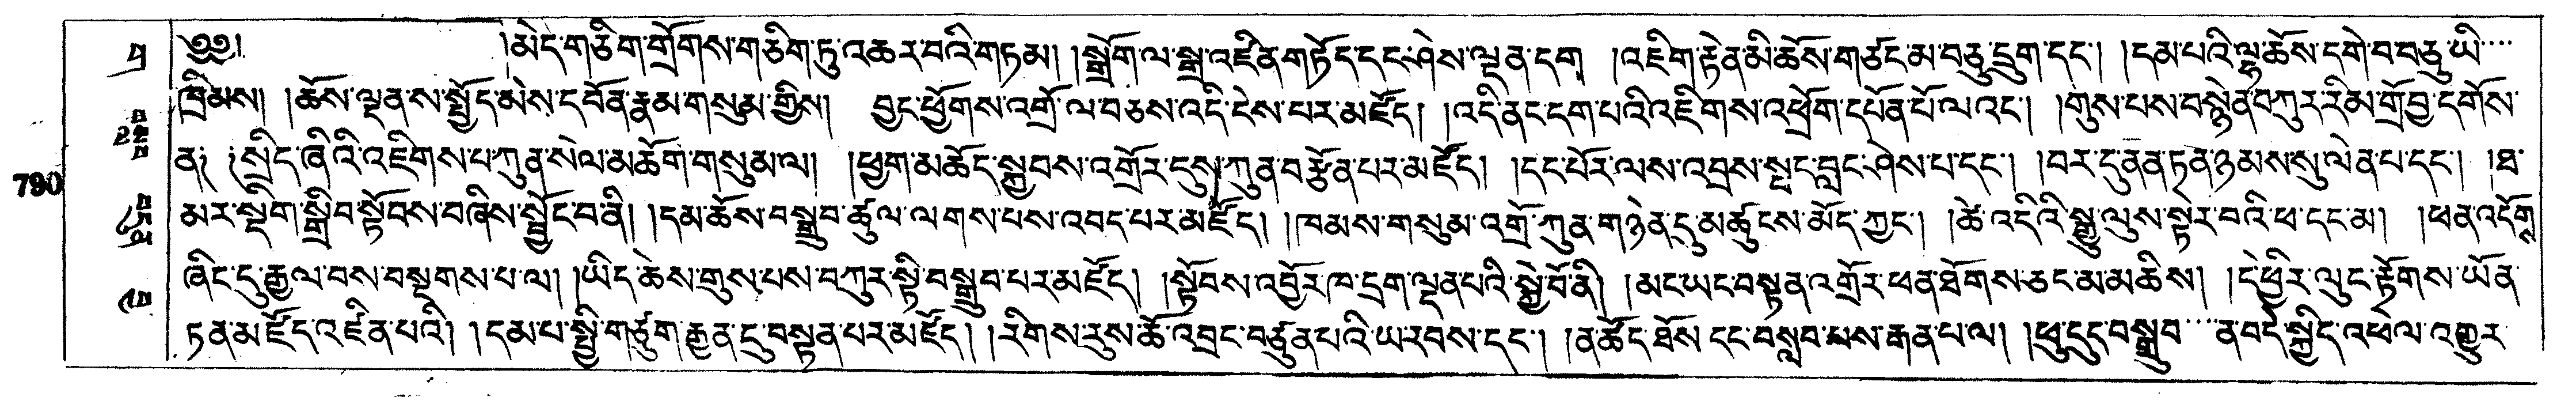༄༅། །མེད་གཅིག་གྲོགས་གཅིག་ཏུ་འཆར་བའི་གཏམ། །སྒྲོག་ལ་སྒྲ་འཛིན་གཏོད་དང་ཤེས་ལྡན་དག །འཇིག་རྟེན་མི་ཆོས་གཙང་མ་བཅུ་དྲུག་དང་། །དམ་པའི་ལྷ་ཆོས་དགེ་བ་བཅུ་ཡི་
ཁྲིམས། །ཆོས་ལྡན་ས་སྤྱོད་མེས་དབོན་རྣམ་གསུམ་གྱིས། བྱང་ཕྱོགས་འགྲོ་ལ་བཅས་འདི་ངེས་པར་མཛོད། །འདི་ནང་དག་པའི་འཇིགས་འཕྲོག་དཔོན་པོ་ལའང་། །གུས་པས་བསྙེན་བཀུར་རིམ་གྲོ་བྱ་དགོས་
ན༑ ༑སྲིད་ཞིའི་འཇིགས་པ་ཀུན་སེལ་མཆོག་གསུམ་ལ། །ཕྱག་མཆོད་སྐྱབས་འགྲོར་དུས་ཀུན་བརྩོན་པར་མཛོད། །དང་པོར་ལས་འབྲས་སྤང་བླང་ཤེས་པ་དང་། །བར་དུ་ནན་ཏན་ཉམས་སུ་ལེན་པ་དང་། །ཐ་
མར་སྡིག་སྒྲིབ་སྟོབས་བཞིས་སྦྱོང་བ་ནི། །དམ་ཆོས་བསྒྲུབ་ཚུལ་ལགས་པས་འབད་པར་མཛོད། །ཁམས་གསུམ་འགྲོ་ཀུན་གཉེན་དུ་མཚུངས་མོད་ཀྱང་། །ཚེ་འདིའི་སྒྱུ་ལུས་སྟེར་བའི་ཕ་དང་མ། །ཕན་འདོགས་
ཞིང་དུ་རྒྱལ་བས་བསྔགས་པ་ལ། །ཡིད་ཆེས་གུས་པས་བཀུར་སྟི་བསྒྲུབ་པར་མཛོད། །སྟོབས་འབྱོར་ཁ་དྲག་ལྡན་པའི་སྐྱེ་བོ་ནི། །མང་ཡང་བསྟན་འགྲོར་ཕན་ཐོགས་ཅང་མ་མཆིས། །དེ་ཕྱིར་ལུང་རྟོགས་ཡོན་
ཏན་མཛོད་འཛིན་པའི། །དམ་པ་སྤྱི་གཙུག་རྒྱན་དུ་བསྟན་པར་མཛོད། །རིགས་རུས་ཆོ་འབྲང་བཙུན་པའི་ཡ་རབས་དང་། །ན་ཚོད་ཐོས་དང་བསླབ་པས་རྒན་པ་ལ། །ཕུ་དུང་བསྒྲུབ་ན་བདེ་སྐྱིད་འཕེལ་འགྱུར་